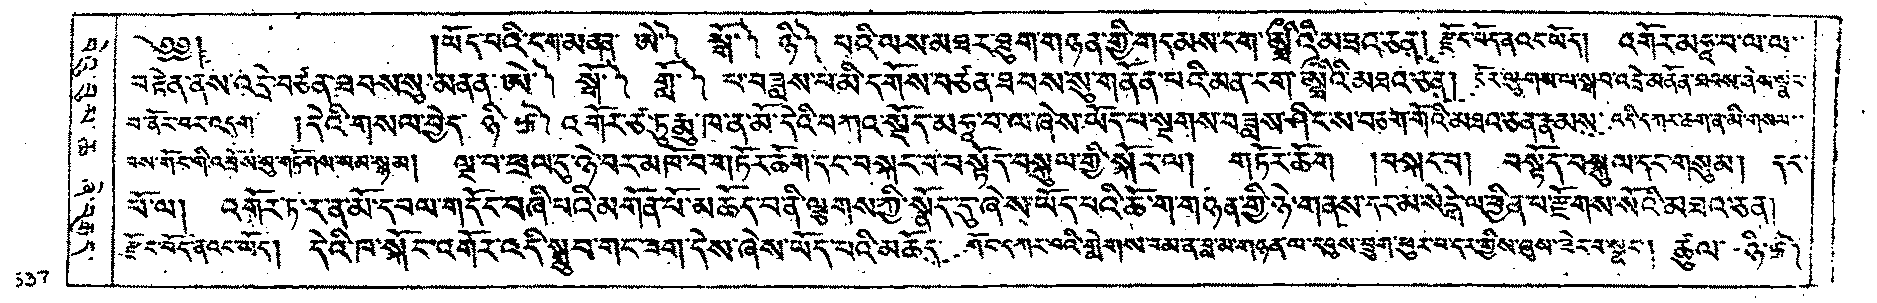༄༅། །ཡོད་པའི་ངག་མནན་ཨ྄ེ་སྒ྄ོ་ཉ྄ི་པའི་ལས་མཐར་ཐུག་གཉན་གྱི་གདམས་ངག་ཨྀཐིའི་མཐའ་ཅན། རྫོང་པོད་ནའང་ཡོད།  འགོར་མཧཱ་བ་ལ་ལ་
བརྟེན་ནས་འདྲེ་བཙན་ཐབས་སུ་མནན་ཨ྄ེ་སྒ྄ོ་གླ྄ོ་པ་བཟླས་པ་མི་དགོས་བཙན་ཐབས་སུ་གནོན་པའི་མན་ངག་ཨྀཐིའི་མཐའ་ཅན། ངོར་ལུགས་ལ་སྒབ་འདྲེ་མནོན་ཐབས་ཞེས་སྣང་
བ་ནོར་བར་འདུག ། དེའི་གསལ་བྱེད་ཉི་~྾?་འགོར་ཙ་ཏུ་རྨུ་ཁ་ན་མོ་དེའི་བཀའ་སྡོད་མཧཱ་བ་ལ་ཞེས་ཡོད་པ་སྔགས་བཟླས་ཤིང་ས་བཅག་གོའི་མཐའ་ཅན་རྣམས་འདི་དཀར་ཆག་ན་མི་གསལ་
བས་གོང་གི་འཕྲོས་སུ་གཏོགས་སམ་སྙམ། ལྔ་པ་ཕྲལ་དུ་ཉེ་བར་མཁོ་བ་གཏོར་ཆོག་དང་བསྐང་བ་བསྟོད་བསྐུལ་གྱི་སྐོར་ལ། གཏོར་ཆོག །བསྐང་བ། བསྟོད་བསྐུལ་དང་གསུམ། དང་
པོ་ལ། འགོར་ཏ་ར་ན་མོ་དཔལ་གདོང་བཞི་པའི་མགོན་པོ་མཆོད་པ་ནི་ལྕགས་ཀྱི་སྣོད་དུ་ཞེས་ཡོད་པའི་ཆོ་ག་གཉན་གྱི་ཉེ་གནས་དར་མ་སེངྒེ་ལ་བྱིན་པ་རྫོགས་སོའི་མཐའ་ཅན།
རྫོང་པོད་ནའང་ཡོད།  དེའི་ཁ་སྐོང་འགོར་འདི་སྒྲུབ་གང་ཟག་དེས་ཞེས་ཡོད་པའི་མཆོད་གོང་དཀར་བའི་གླེགས་བམ་ན་བླ་མ་གཉན་ལ་དབུས་ཕྲུག་ཕུར་བ་དར་གྱིས་ཞུས་ཟེར་བ་སྣང་།  ཚུལ་ཉི~྾?